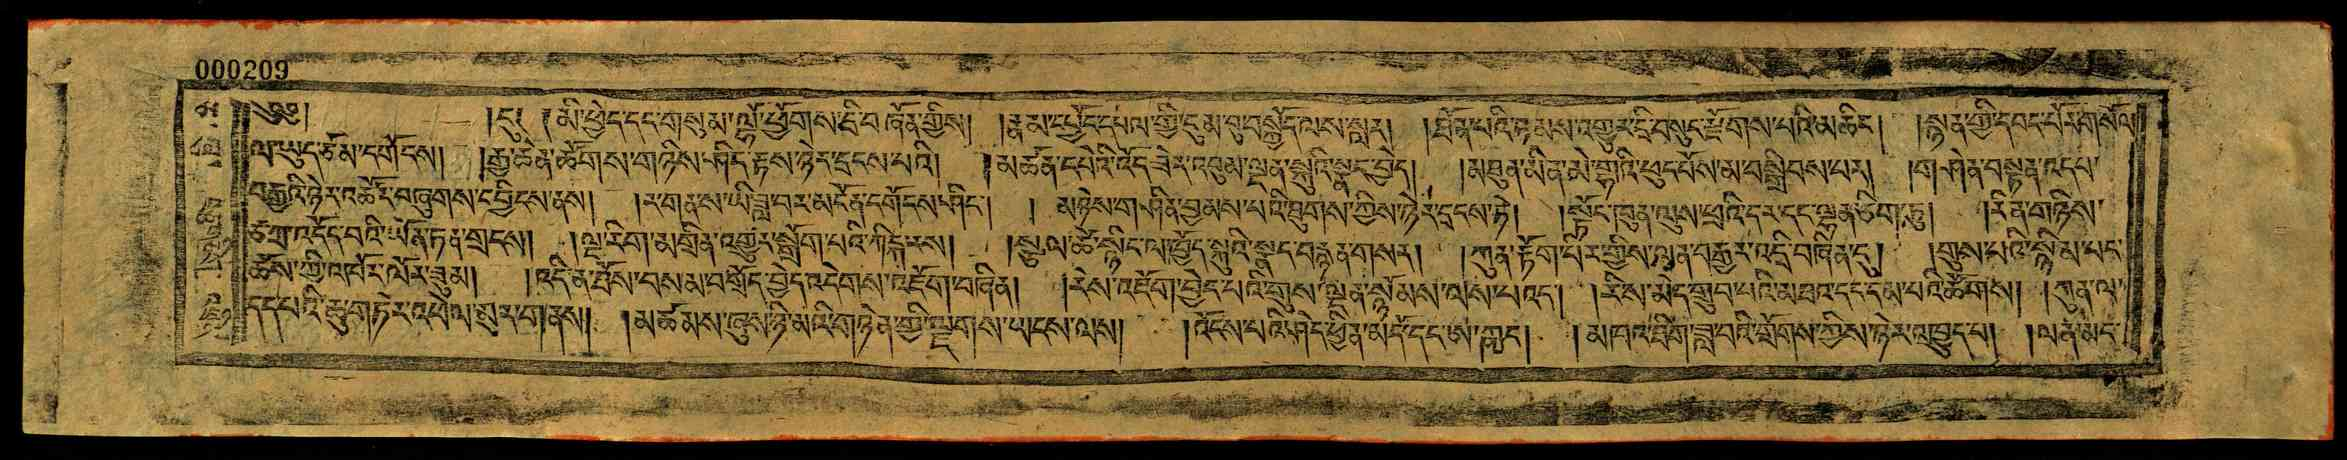༄༅། །དུ༑ ༑མི་ཕྱེད་དད་གསུམ་ལྷོ་ཕྱོགས་དྲི་བཞོན་གྱིས། །རྣམ་དཔྱོད་དཔལ་གྱི་དུམ་བུ་བསྐྱོད་ལས་སླར། །ཐོན་པའི་ཉམས་འགྱུར་དྲི་བསུང་རྫོགས་པའི་མཆིང་། །སྙན་གྱི་དབང་པོར་གསོལ་
ལ་ཡུད་ཙམ་དགོངས། །རྒྱ་ཆེན་ཚོགས་གཉིས་ཤིང་རྟས་ཉེར་དྲངས་པའི། །མཚན་དཔེའི་འོད་ཟེར་འབུམ་ལྡན་སྐུའི་སྣང་བྱེད། །མཐུན་མིན་མི་གྷའི་ཕུང་པོས་མ་བསྒྲིབས་པར། །གཤེན་བསྟན་འདབ་
བརྒྱའི་ཉེར་འཚོར་བཞུགས་དབྱིངས་ནས། །ར་གནས་ཡི་ཟླ་བར་མངོན་དགོངས་ཤིང་། །མཉེས་གཤིན་བྱམས་པའི་ཐུགས་ཀྱིས་ཉེར་དྲངས་ཏེ། །སྟོང་ཁུན་ལུས་ཕྲའི་དར་དང་ལྷན་ཅིག་ཏུ། །རིན་གཉིས་
ཙཀྲ་འདོད་བའི་ཡོན་ཏན་གྲངས། །ལྔ་རིག་མགྲིན་འགྱུར་སྒྲོག་པའི་ཀིངྐ་རས། །སྩལ་ཚེ་སྙིང་ལ་ཁྱོད་སྐུའི་སྣང་བརྙན་གསར། །ཀུན་རྟོག་པར་གྱིས་ལན་བརྒྱར་འདྲི་བཞིན་དུ། །གུས་པའི་སྙིམ་པད་
ཆོས་ཀྱི་འཁོར་ལོར་ཟུམ། །འདི་ན་ཐོས་བསམ་བགྲོད་བྱེད་འདེགས་འཇོག་བཞིན། །རེས་འཇོག་བྱེད་པའི་གུས་ལྡན་སྙོམས་ལས་པའང་། །རིས་མེད་གྲུབ་པའི་མཐའ་དང་དམ་པའི་ཚོགས། །ཀུན་ལ་
དད་པའི་ཆུ་གཏེར་འཕེལ་མུར་གནས། །མཚམས་ཞུས་ཉི་མའི་གཉེན་གྱི་ལྗགས་ཡང་ས་ལས། །འོངས་པའི་ཤེར་ཕྱིན་མདོ་དང་ཨཀྵ་ར། །མཁའ་ཐིག་ཟླ་བའི་གྲོགས་ཀྱིས་ཉེར་འཁྱུད་པ། །ལན་མང་